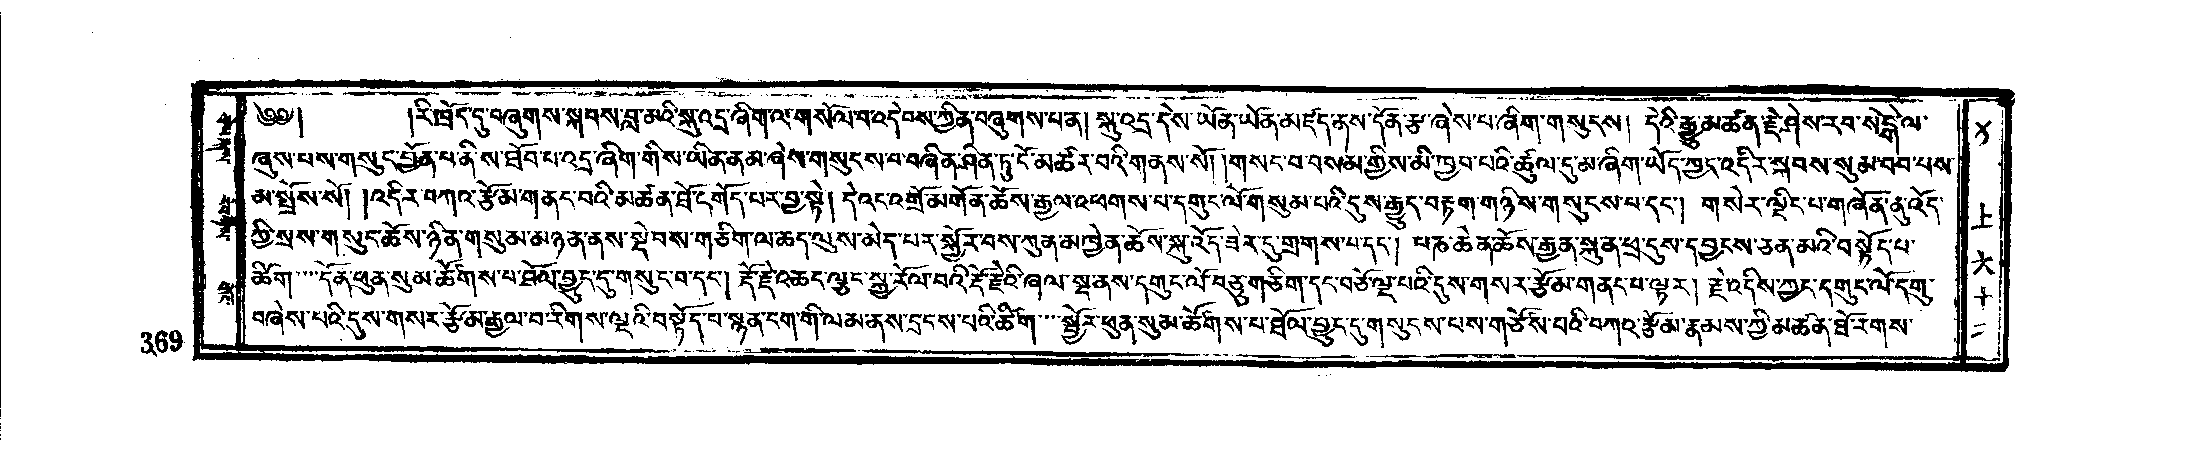༄༅། །རི་ཁྲོད་དུ་བཞུགས་སྐབས་བླ་མའི་སྐུ་འདྲ་ཞིག་ལ་གསོལ་བ་འདེབས་ཀྱིན་བཞུགས་པ་ན། སྐུ་འདྲ་དེས་ཡོན་ཡོན་མཛད་ནས་དོན་རྩ་ཞེས་པ་ཞིག་གསུངས། དེའི་རྒྱུ་མཚན་རྗེ་ཤེས་རབ་སེངྒེ་ལ་
ཞུས་པས་གསུང་བྱོན་པ་ནི་ས་ཐོབ་པ་འདྲ་ཞིག་གིས་ཡིན་ནམ་ཞེས་གསུངས་པ་བཞིན་ཤིན་ཏུ་ངོ་མཚར་བའི་གནས་སོ། །གསང་བ་བསམ་གྱིས་མི་ཁྱབ་པའི་ཚུལ་དུ་མ་ཞིག་ཡོད་ཀྱང་འདིར་སྐབས་སུ་མ་བབ་པས་
མ་སྤྲོས་སོ། །འདིར་བཀའ་རྩོམ་གནང་བའི་མཚན་ཐོ་དགོད་པར་བྱ་སྟེ། དེའང་འགྲོ་མགོན་ཆོས་རྒྱལ་འཕགས་པ་དགུང་ལོ་གསུམ་པའི་དུས་རྒྱུད་བརྟག་གཉིས་གསུངས་པ་དང་། གསེར་ལྡིང་པ་གཞོན་ནུ་འོད་
ཀྱི་སྲས་གསུང་ཆོས་ཉིན་གསུམ་མཉན་ནས་སྡེབས་གཅིག་ལ་ཆད་ལུས་མེད་པར་སྐྱོར་བས་ཀུན་མཁྱེན་ཆོས་སྐུ་འོད་ཟེར་དུ་གྲགས་པ་དང་། པཎ་ཆེན་ཆོས་རྒྱན་སྐུ་ན་ཕྲ་དུས་དབྱངས་ཅན་མའི་བསྟོད་པ་
ཚིག་དོན་ཕུན་སུམ་ཚོགས་པ་ཐོལ་བྱུང་དུ་གསུང་བ་དང་། རྡོ་རྗེ་འཆང་ལྕང་སྐྱ་རོལ་བའི་རྡོ་རྗེའི་ཞལ་སྔ་ནས་དགུང་ལོ་བཅུ་གཅིག་དང་བཅོ་ལྔ་པའི་དུས་གསར་རྩོམ་གནང་པ་ལྟར། རྗེ་འདིས་ཀྱང་དགུང་ལོ་དགུ་
བཞེས་པའི་དུས་གསར་རྩོམ་རྒྱལ་བ་རིགས་ལྔའི་བསྟོད་པ་སྙན་ངག་གི་ལམ་ནས་དྲངས་པའི་ཚིག་སྦྱོར་ཕུན་སུམ་ཚོགས་པ་ཐོལ་བྱུང་དུ་གསུངས་པས་གཙོས་པའི་བཀའ་རྩོམ་རྣམས་ཀྱི་མཚན་ཐོ་རགས་